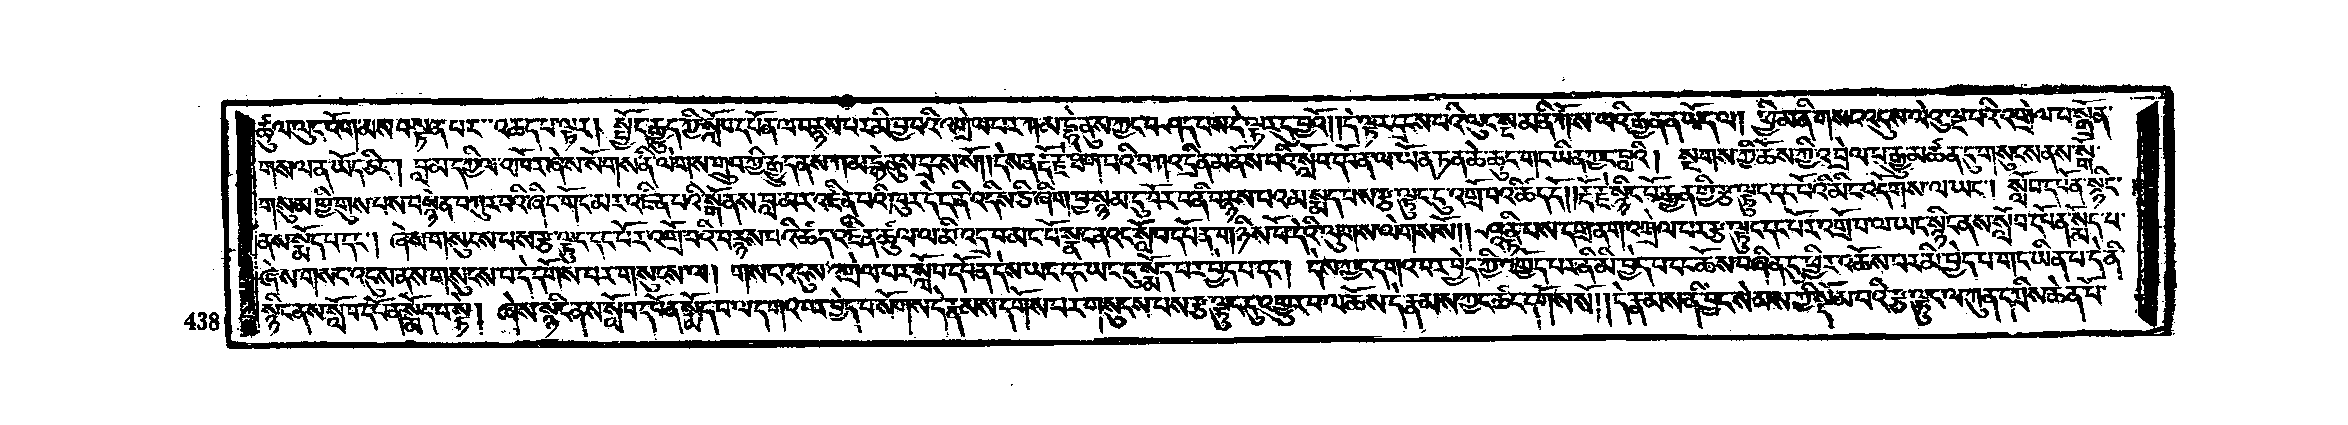ཚུལ་ལུང་འོག་མས་བསྟན་པར་འཆད་པ་ལྟར། སྤྱོད་རྒྱུད་ཀྱི་སློབ་དཔོན་ལ་བརྙས་པར་མི་བྱ་བའི་འགྲེལ་པར་ཀ་མ་དྷེ་ནུས་ཀྱང་བཤད་པས་དེ་ལྟར་དུ་བྱའོ། །དེ་ལྟར་དྲངས་པའི་ལུང་སྔ་མ་ནི་ཀོ་ས་ལའི་རྒྱན་ན་ཡོད་ལ། ཕྱི་མ་ནི་གསང་འདུས་ལེའུ་ལྔ་པའི་འགྲེལ་པ་སྒྲོན་
གསལ་ན་ཡོད་ཅིང་། བླ་མ་དཀྱིལ་འཁོར་ཞེས་སོགས་ནི་ལེགས་གྲུབ་ཀྱི་རྒྱུད་ནས་ཀ་མ་དྷེ་ནུས་དྲངས་སོ། །དེས་ན་རྡོ་རྗེ་ཐེག་པའི་བཀའ་དྲིན་མནོས་པའི་སློབ་དཔོན་ལ་ཡོན་ཏན་ཆེ་ཆུང་གང་ཡིན་ཀྱང་བླའི། སྔགས་ཀྱི་ཆོས་ཀྱི་འབྲེལ་པ་རྒྱུ་མཚན་དུ་གསུངས་ནས་སྒོ་
གསུམ་གྱི་གུས་པས་བསྙེན་བཀུར་བའི་ཞིང་གོང་མར་འཛིན་པའི་སྒོ་ནས་བླ་མར་འཛིན་པའི་ཁུར་དེ་ད་ནི་འདིས་ཅི་ཞིག་བྱ་སྙམ་དུ་བོར་བ་ནི་བརྙས་པའམ་སྨད་པས་རྩ་ལྟུང་དུ་འགྲོ་བའི་ཚིད་དོ། །རྡོ་རྗེ་སྙིང་པོ་རྒྱན་གྱི་རྩ་ལྟུང་དང་པོའི་མིང་འདོགས་ལ་ཡང་། སློབ་དཔོན་སྙིང་
ནས་སྨོད་པ་དང་། ཞེས་གསུངས་པས་རྩ་ལྟུང་དང་པོར་འགྲོ་བའི་བརྙས་པའི་ཚད་འཛིན་ཚུལ་ལ་མི་འདྲ་བ་མང་པོ་སྣང་ནའང་སློབ་དཔོན་གཉིས་པོ་དེའི་ལུགས་ལེགས་སོ།། ཤཱནྟི་པས་དགྲ་ནག་འགྲེལ་པར་རྩ་ལྟུང་དང་པོར་འགྲོ་བ་ལ་ཡང་སྙིང་ནས་སློབ་དཔོན་སྨོད་པ་
ཞེས་གསང་འདུས་ནས་གསུངས་པ་དེ་དགོས་པར་གསུངས་ལ། གསང་འདུས་འགྲེལ་པར་སློབ་དཔོན་དེས་ཡང་དང་ཡང་དུ་སྨོད་པར་བྱེད་པ་དང་། དེས་ཀྱང་དགའ་བར་བྱེད་ཀྱི་འགྱོད་པར་ནི་མི་བྱེད་པ་དང་ཆོས་བཞིན་དུ་ཕྱིར་འཆོས་པར་མི་བྱེད་པ་གང་ཡིན་པ་དེ་ནི་
སྙིང་ནས་སློབ་དཔོན་སྨོད་པ་སྟེ། ཞེས་སྙིང་ནས་སློབ་དཔོན་སྨོད་པ་ལ་དགའ་བར་བྱེད་པ་སོགས་དེ་རྣམས་དགོས་པར་གསུངས་པས་རྩ་ལྟུང་དུ་འགྱུར་པ་ལ་ཆོས་དེ་རྣམས་ཀྱང་ཚང་དགོས་སོ། །དེ་རྣམས་ནི་བྱང་སེམས་ཀྱི་སྡོམ་པའི་རྩ་ལྟུང་ལ་ཀུན་དཀྲིས་ཆེན་པོ་